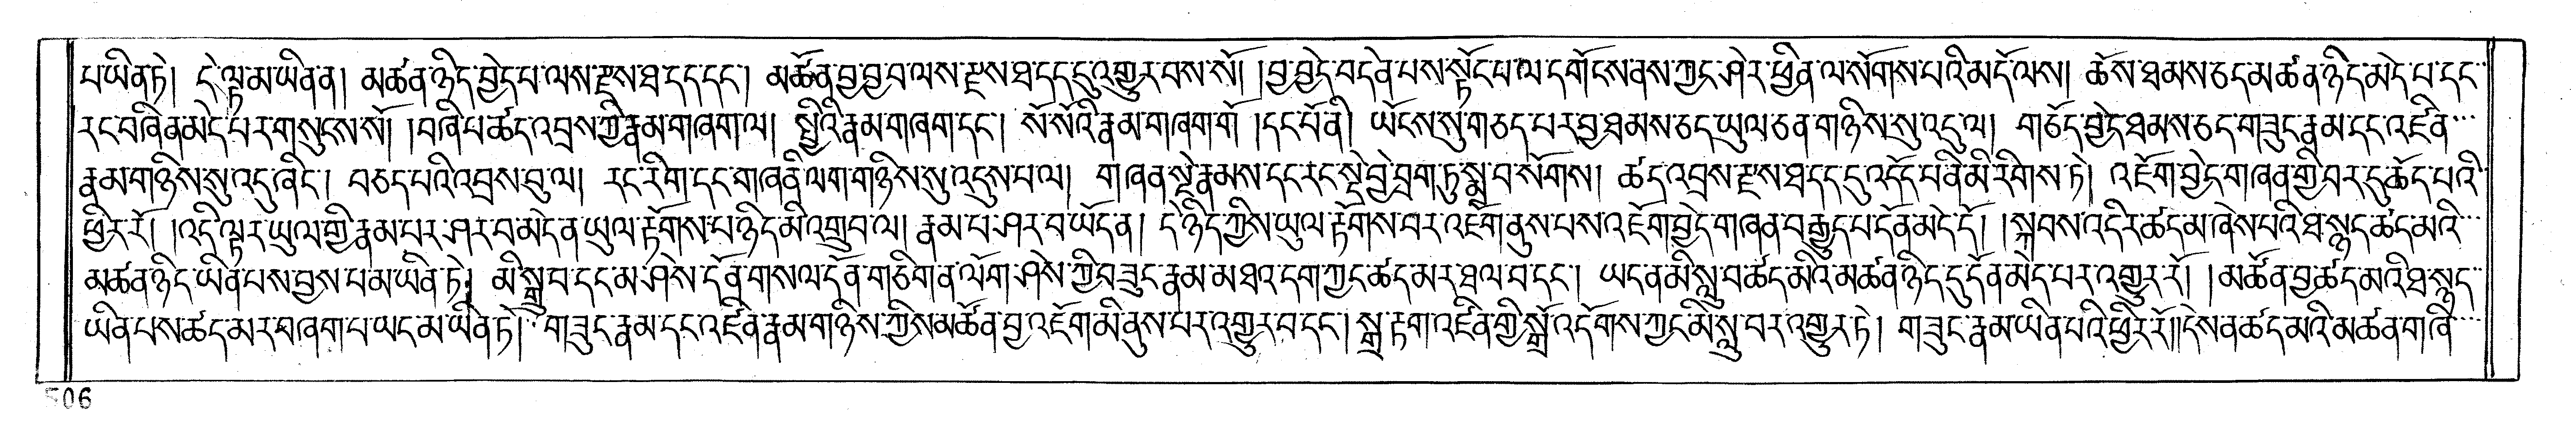བ་ཡིན་ཏེ། དེ་ལྟ་མ་ཡིན་ན། མཚན་ཉིད་བྱེད་པ་ལས་རྫས་ཐ་དད་དང་། མཚོན་བྱ་བྱ་བ་ལས་རྫས་ཐ་དད་དུ་འགྱུར་བས་སོ། །བྱ་བྱེད་བདེན་པས་སྟོང་བ་ལ་དགོངས་ནས་ཀྱང་ཤེར་ཕྱིན་ལ་སོགས་པའི་མདོ་ལས། ཆོས་ཐམས་ཅད་མཚན་ཉིད་མེད་པ་དང་
རང་བཞིན་མེད་པར་གསུངས་སོ། །བཞི་པ་ཚད་འབྲས་ཀྱི་རྣམ་གཞག་ལ། སྤྱིའི་རྣམ་གཞག་དང་། སོ་སོའི་རྣམ་གཞག་གོ །དང་པོ་ནི། ཡོངས་སུ་གཅད་པར་བྱ་ཐམས་ཅད་ཡུལ་ཅན་གཉིས་སུ་འདུ་ལ། གཅོད་བྱེད་ཐམས་ཅད་གཟུང་རྣམ་དང་འཛིན་
རྣམ་གཉིས་སུ་འདུ་ཞིང་། བཅད་པའི་འབྲས་བུ་ལ། རང་རིག་དང་གཞིན་རག་གཉིས་སུ་འདུས་པ་ལ། གཞན་སྡེ་རྣམས་དང་རང་སྡེ་བྱེ་བྲག་ཏུ་སྨྲ་བ་སོགས། ཚད་འབྲས་རྫས་ཐ་དད་དུ་འདོད་པ་ནི་མི་རིགས་ཏེ། འཇོག་བྱེད་གཞན་གྱི་བར་དུ་ཆོད་པའི་
ཕྱིར་རོ། །འདི་ལྟར་ཡུལ་གྱི་རྣམ་པར་ཤར་བ་མེད་ན་ཡུལ་རྟོགས་པ་ཉིད་མི་འགྲུབ་ལ། རྣམ་པ་ཤར་བ་ཡོད་ན། དེ་ཉིད་ཀྱིས་ཡུལ་རྟོགས་པར་འཇོག་ནུས་པས་འཇོག་བྱེད་གཞན་བརྒྱུད་པ་དོན་མེད་དོ། །སྐབས་འདིར་ཚད་མ་ཞེས་པའི་ཐ་སྙད་ཚད་མའི་
མཚན་ཉིད་ཡིན་པས་བྱས་པ་མ་ཡིན་ཏེ། མི་སླུ་བ་དང་མ་ཤེས་དོན་གསལ་དོན་གཅིག་ན་ལོག་ཤེས་ཀྱི་གཟུང་རྣམ་མཐའ་དག་ཀྱང་ཚད་མར་ཐལ་བ་དང་། ཡང་ན་མི་སླུ་བ་ཚད་མའི་མཚན་ཉིད་དུ་དོན་མེད་པར་འགྱུར་རོ། །མཚོན་བྱ་ཚད་མའི་ཐ་སྙད་
ཡིན་པས་ཚད་མར་བཞག་པ་ཡང་མ་ཡིན་ཏེ། གཟུང་རྣམ་དང་འཛིན་རྣམ་གཉིས་ཀྱིས་མཚོན་བྱ་འཇོག་མི་ནུས་པར་འགྱུར་བ་དང་། སྒྲ་རྟག་འཛིན་གྱི་སྒྲོ་འདོགས་ཀྱང་མི་སླུ་བར་འགྱུར་ཏེ། གཟུང་རྣམ་ཡིན་པའི་ཕྱིར་རོ། །དེས་ན་ཚད་མའི་མཚན་གཞི་